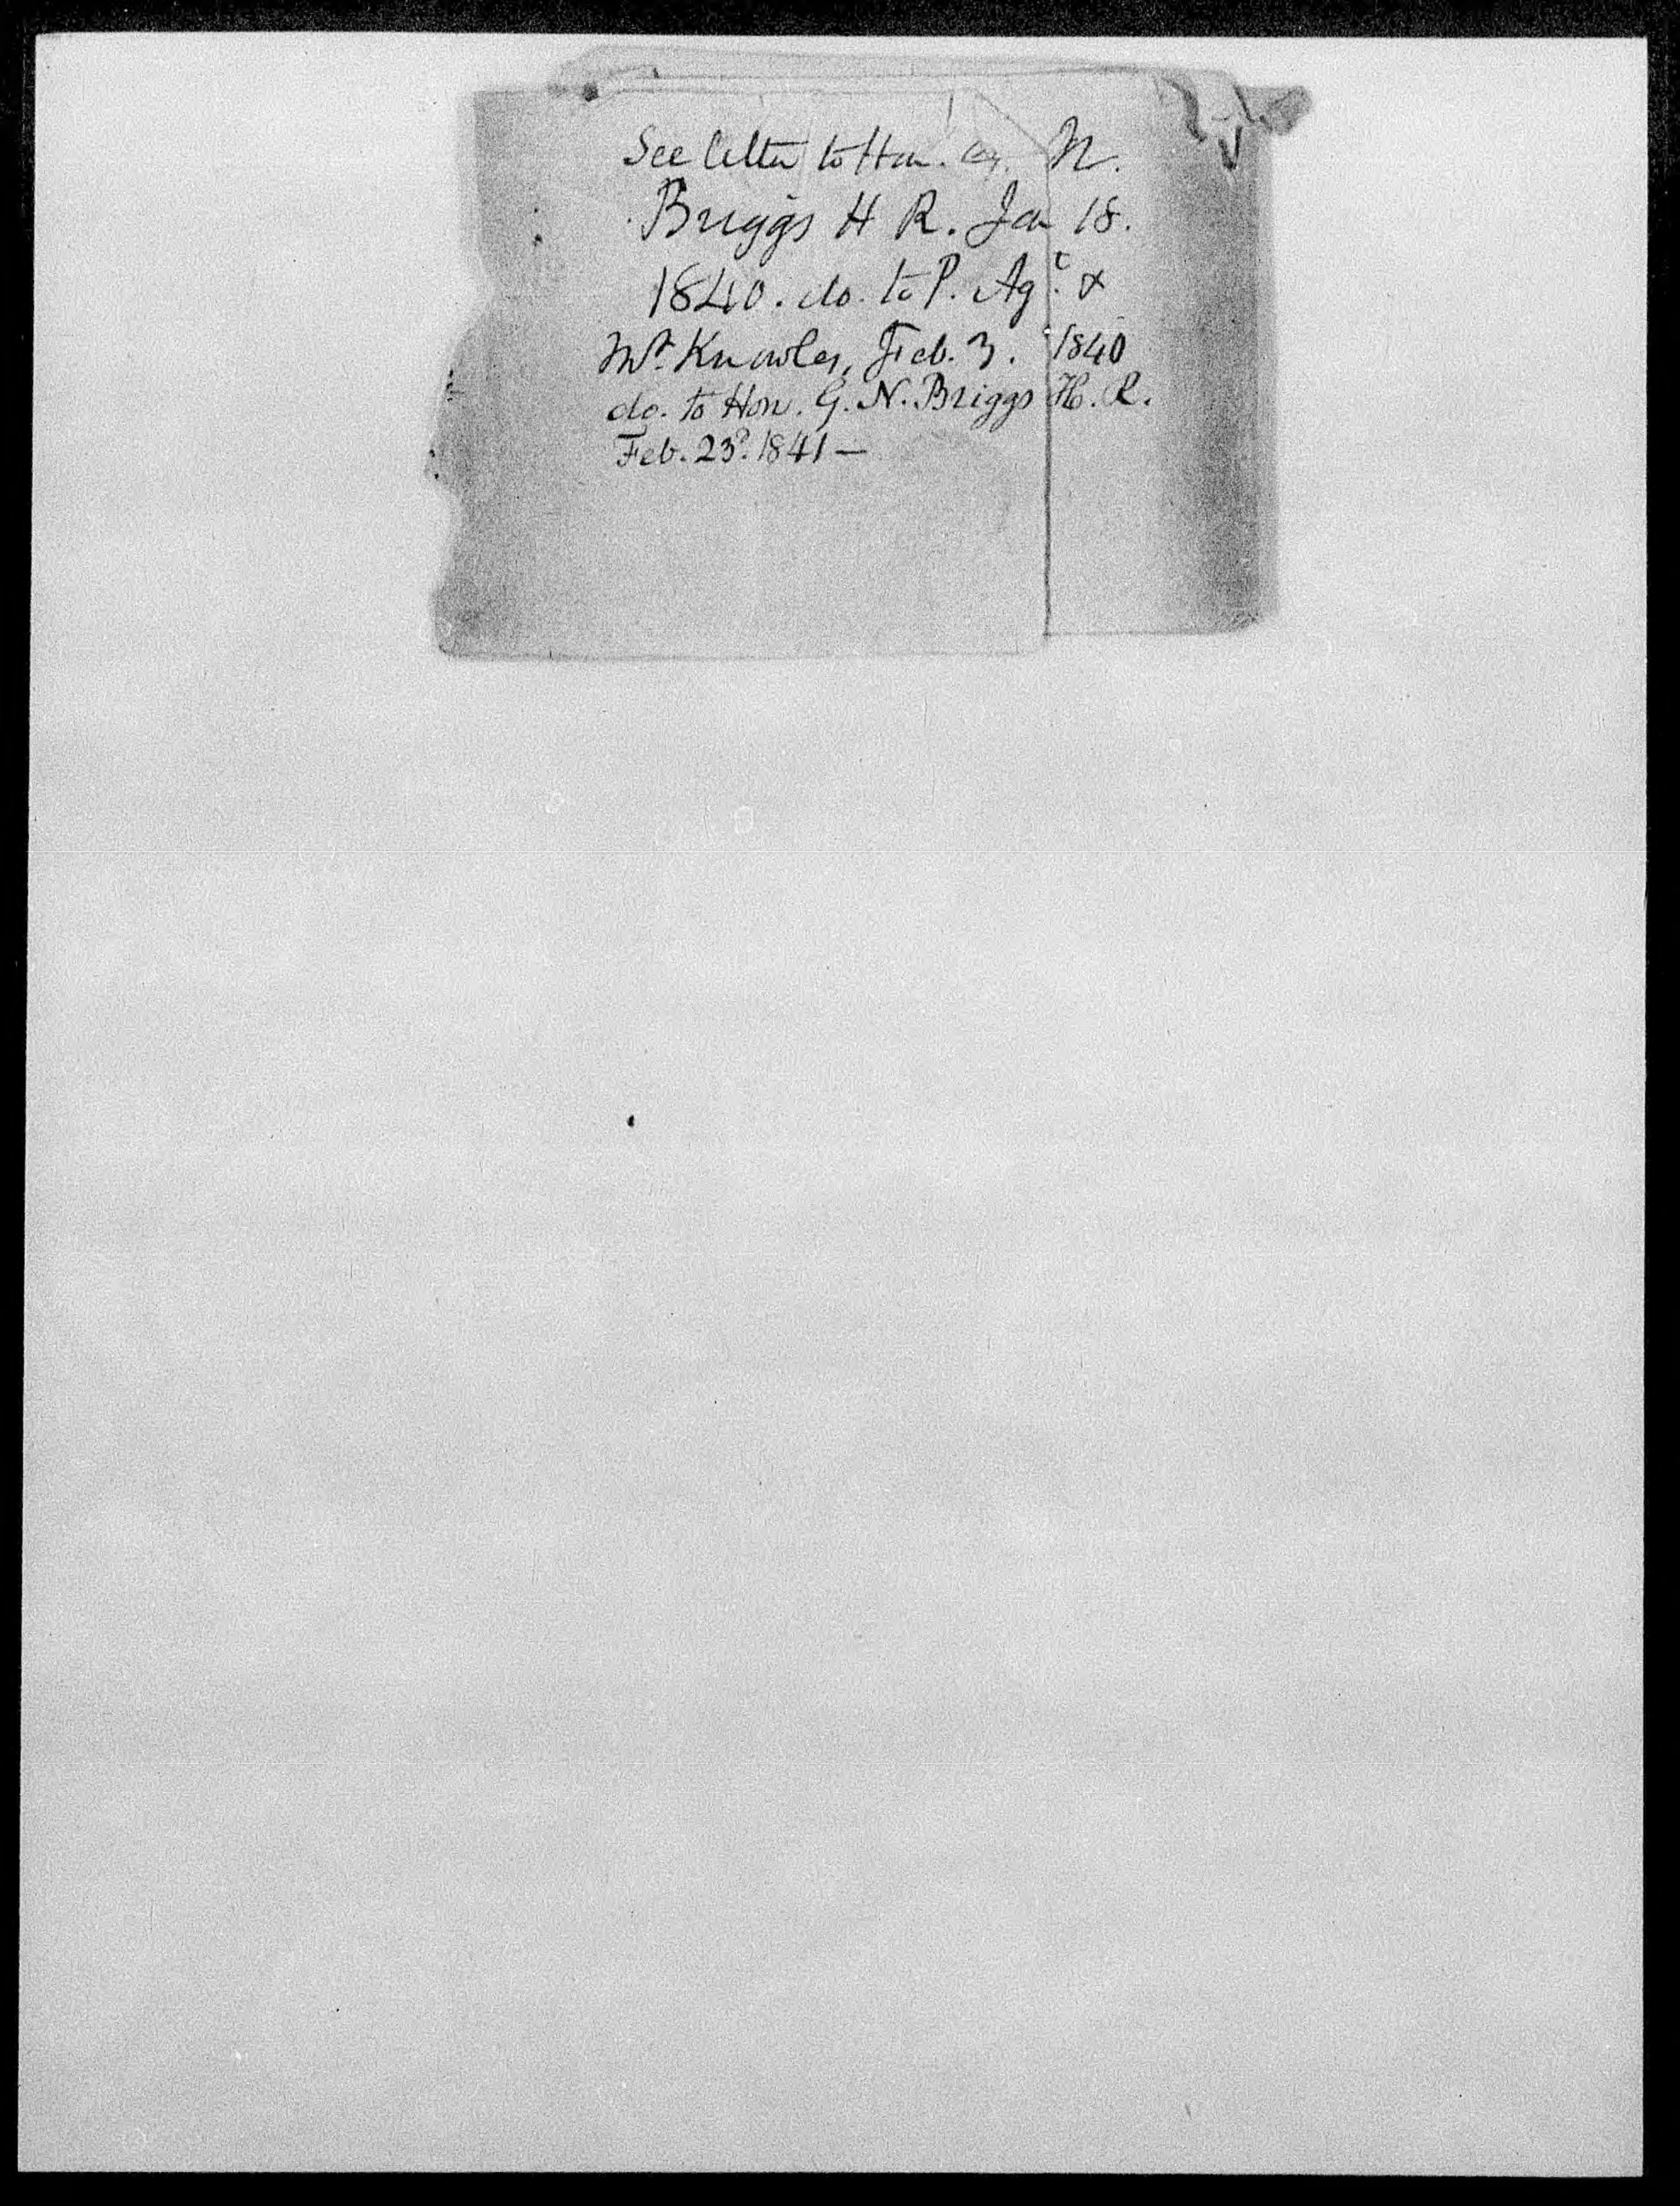See letter to Hon. G. N. Briggs H R. Jan 18. 1840. iss. to P. Agt. & Mr. Knowles, Feb. 3. 1840 do. to Hon G. N. Briggs H. R. Feb 23d. 1841--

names: G N Briggs; [BLANK] Knowles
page: 51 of 60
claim: widow's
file: W. 14,036, for James Knowles, Connecticut